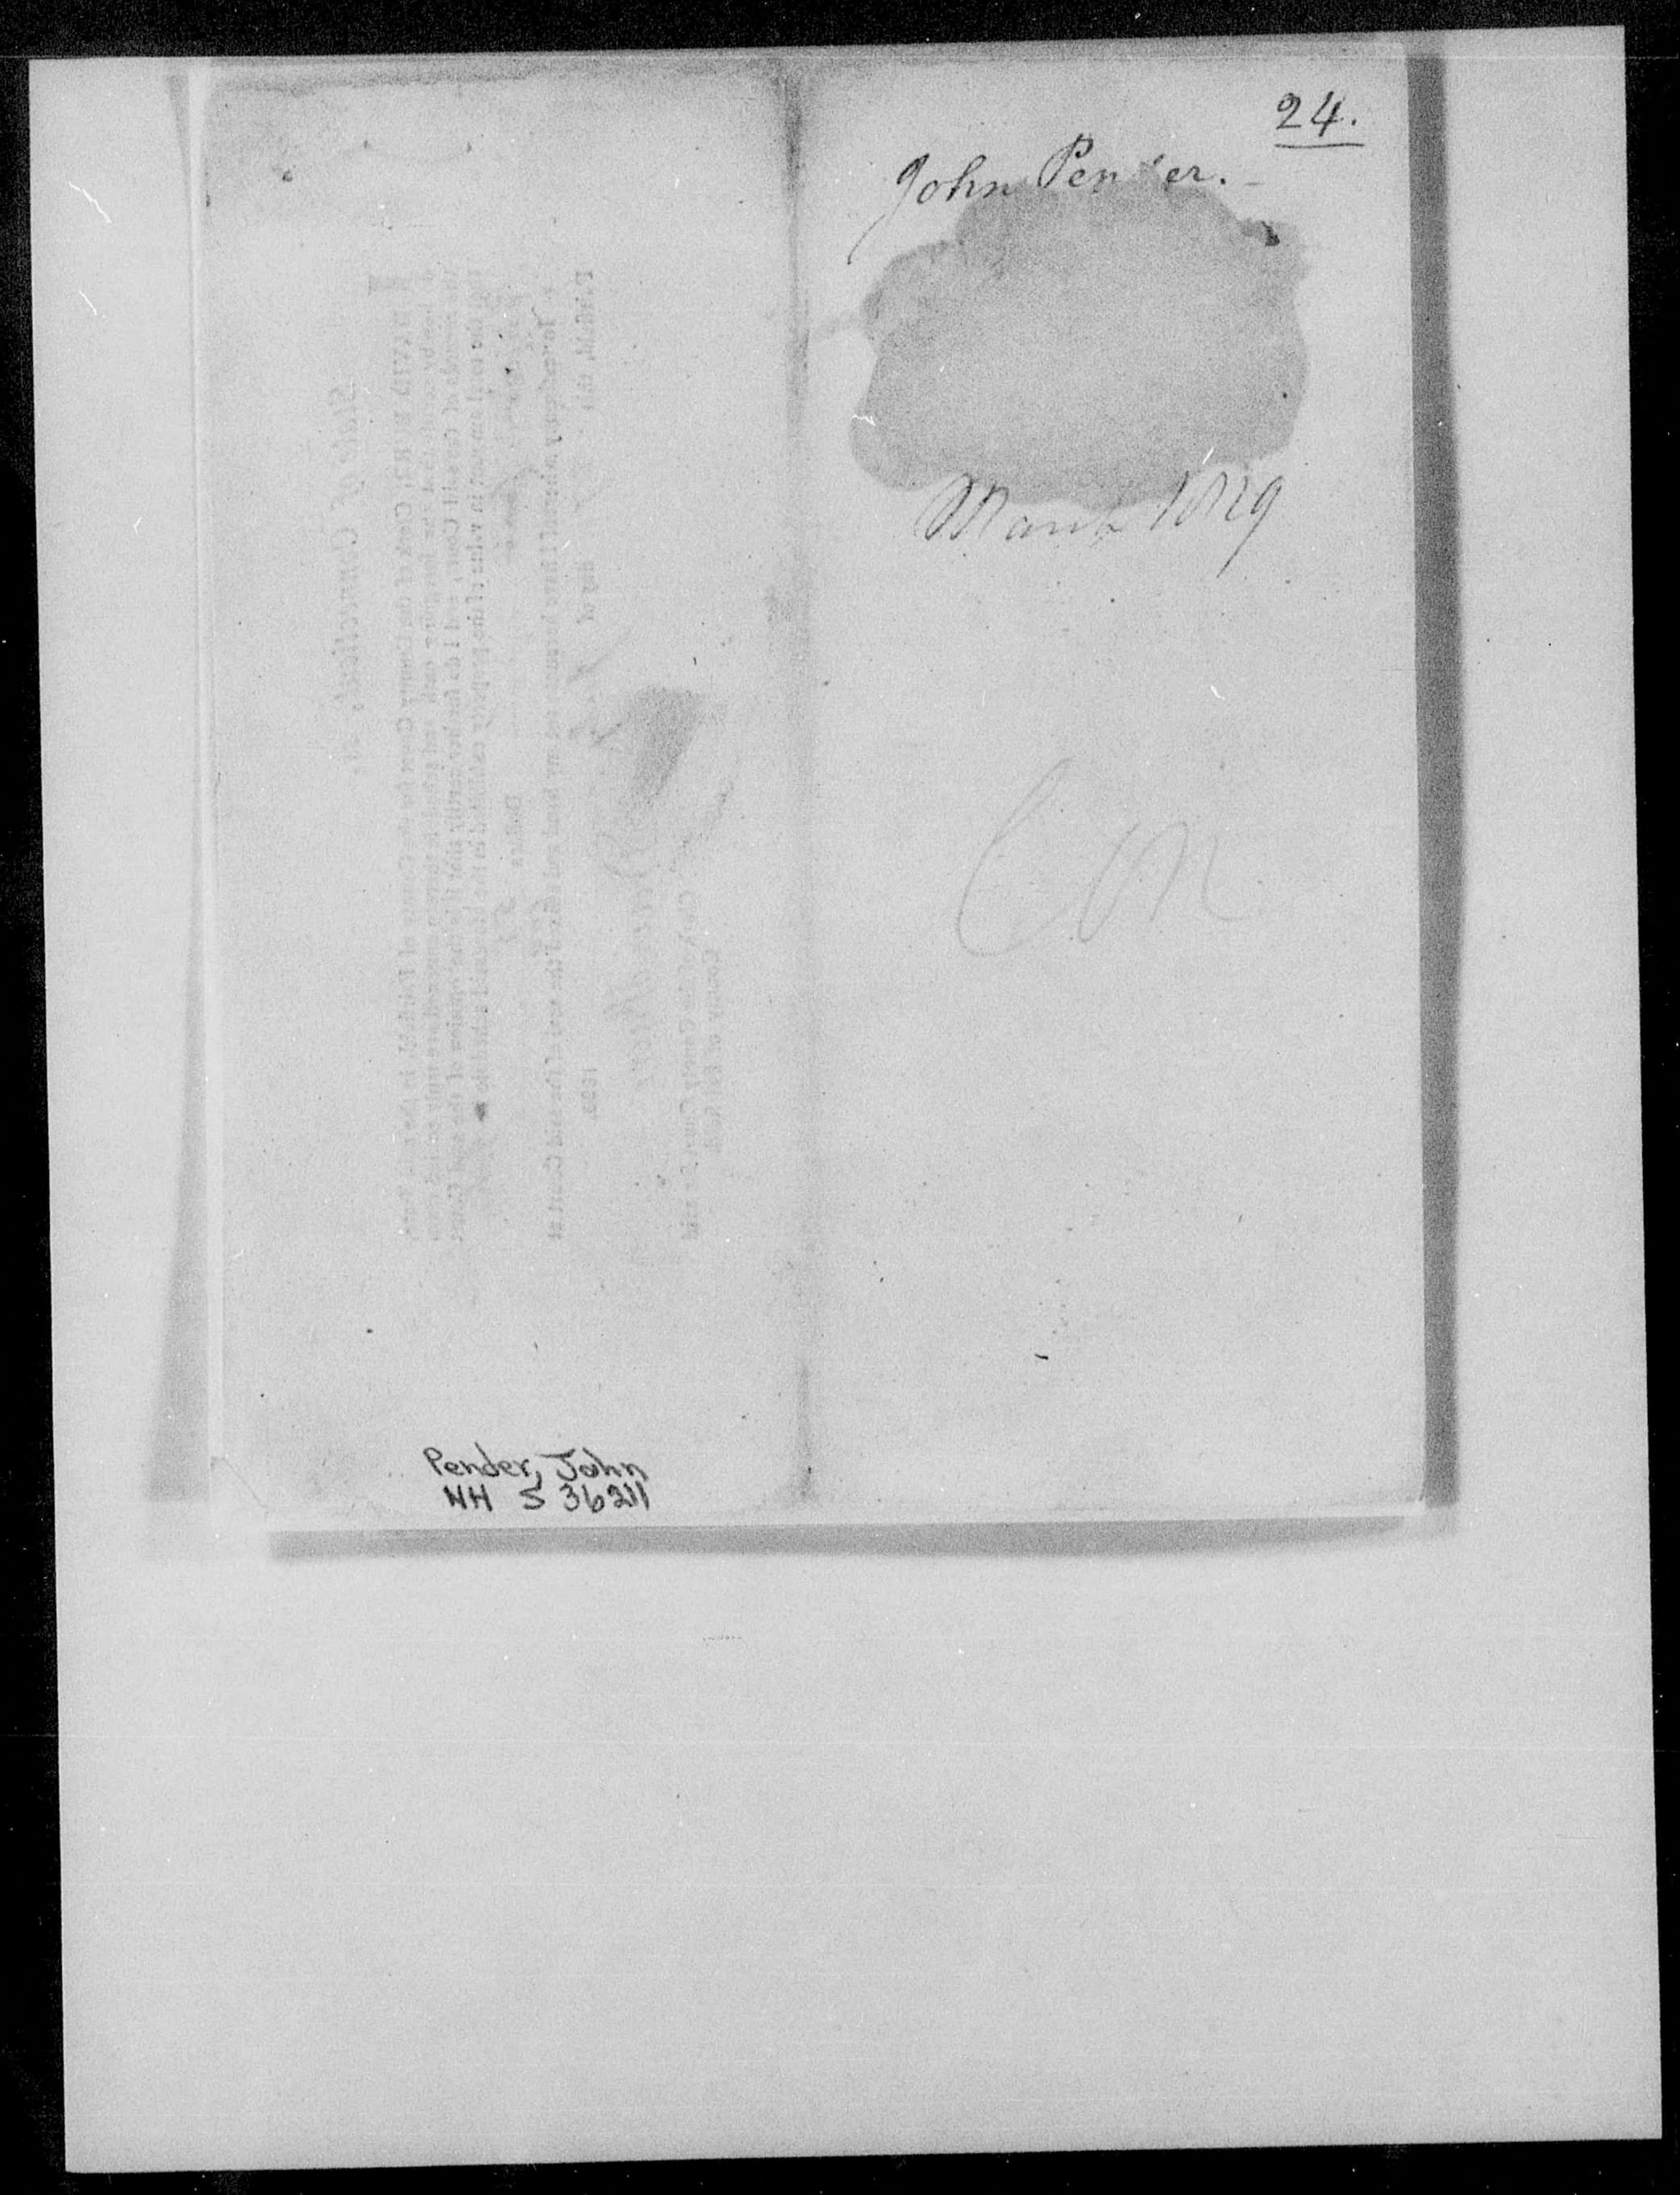24

John Pender

March 1819

Con


[bottom of right page:]
Pender, John
NH S 36211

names: John Pender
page: 10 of 13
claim: survivor's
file: S. 36211, for John Pender, New Hampshire